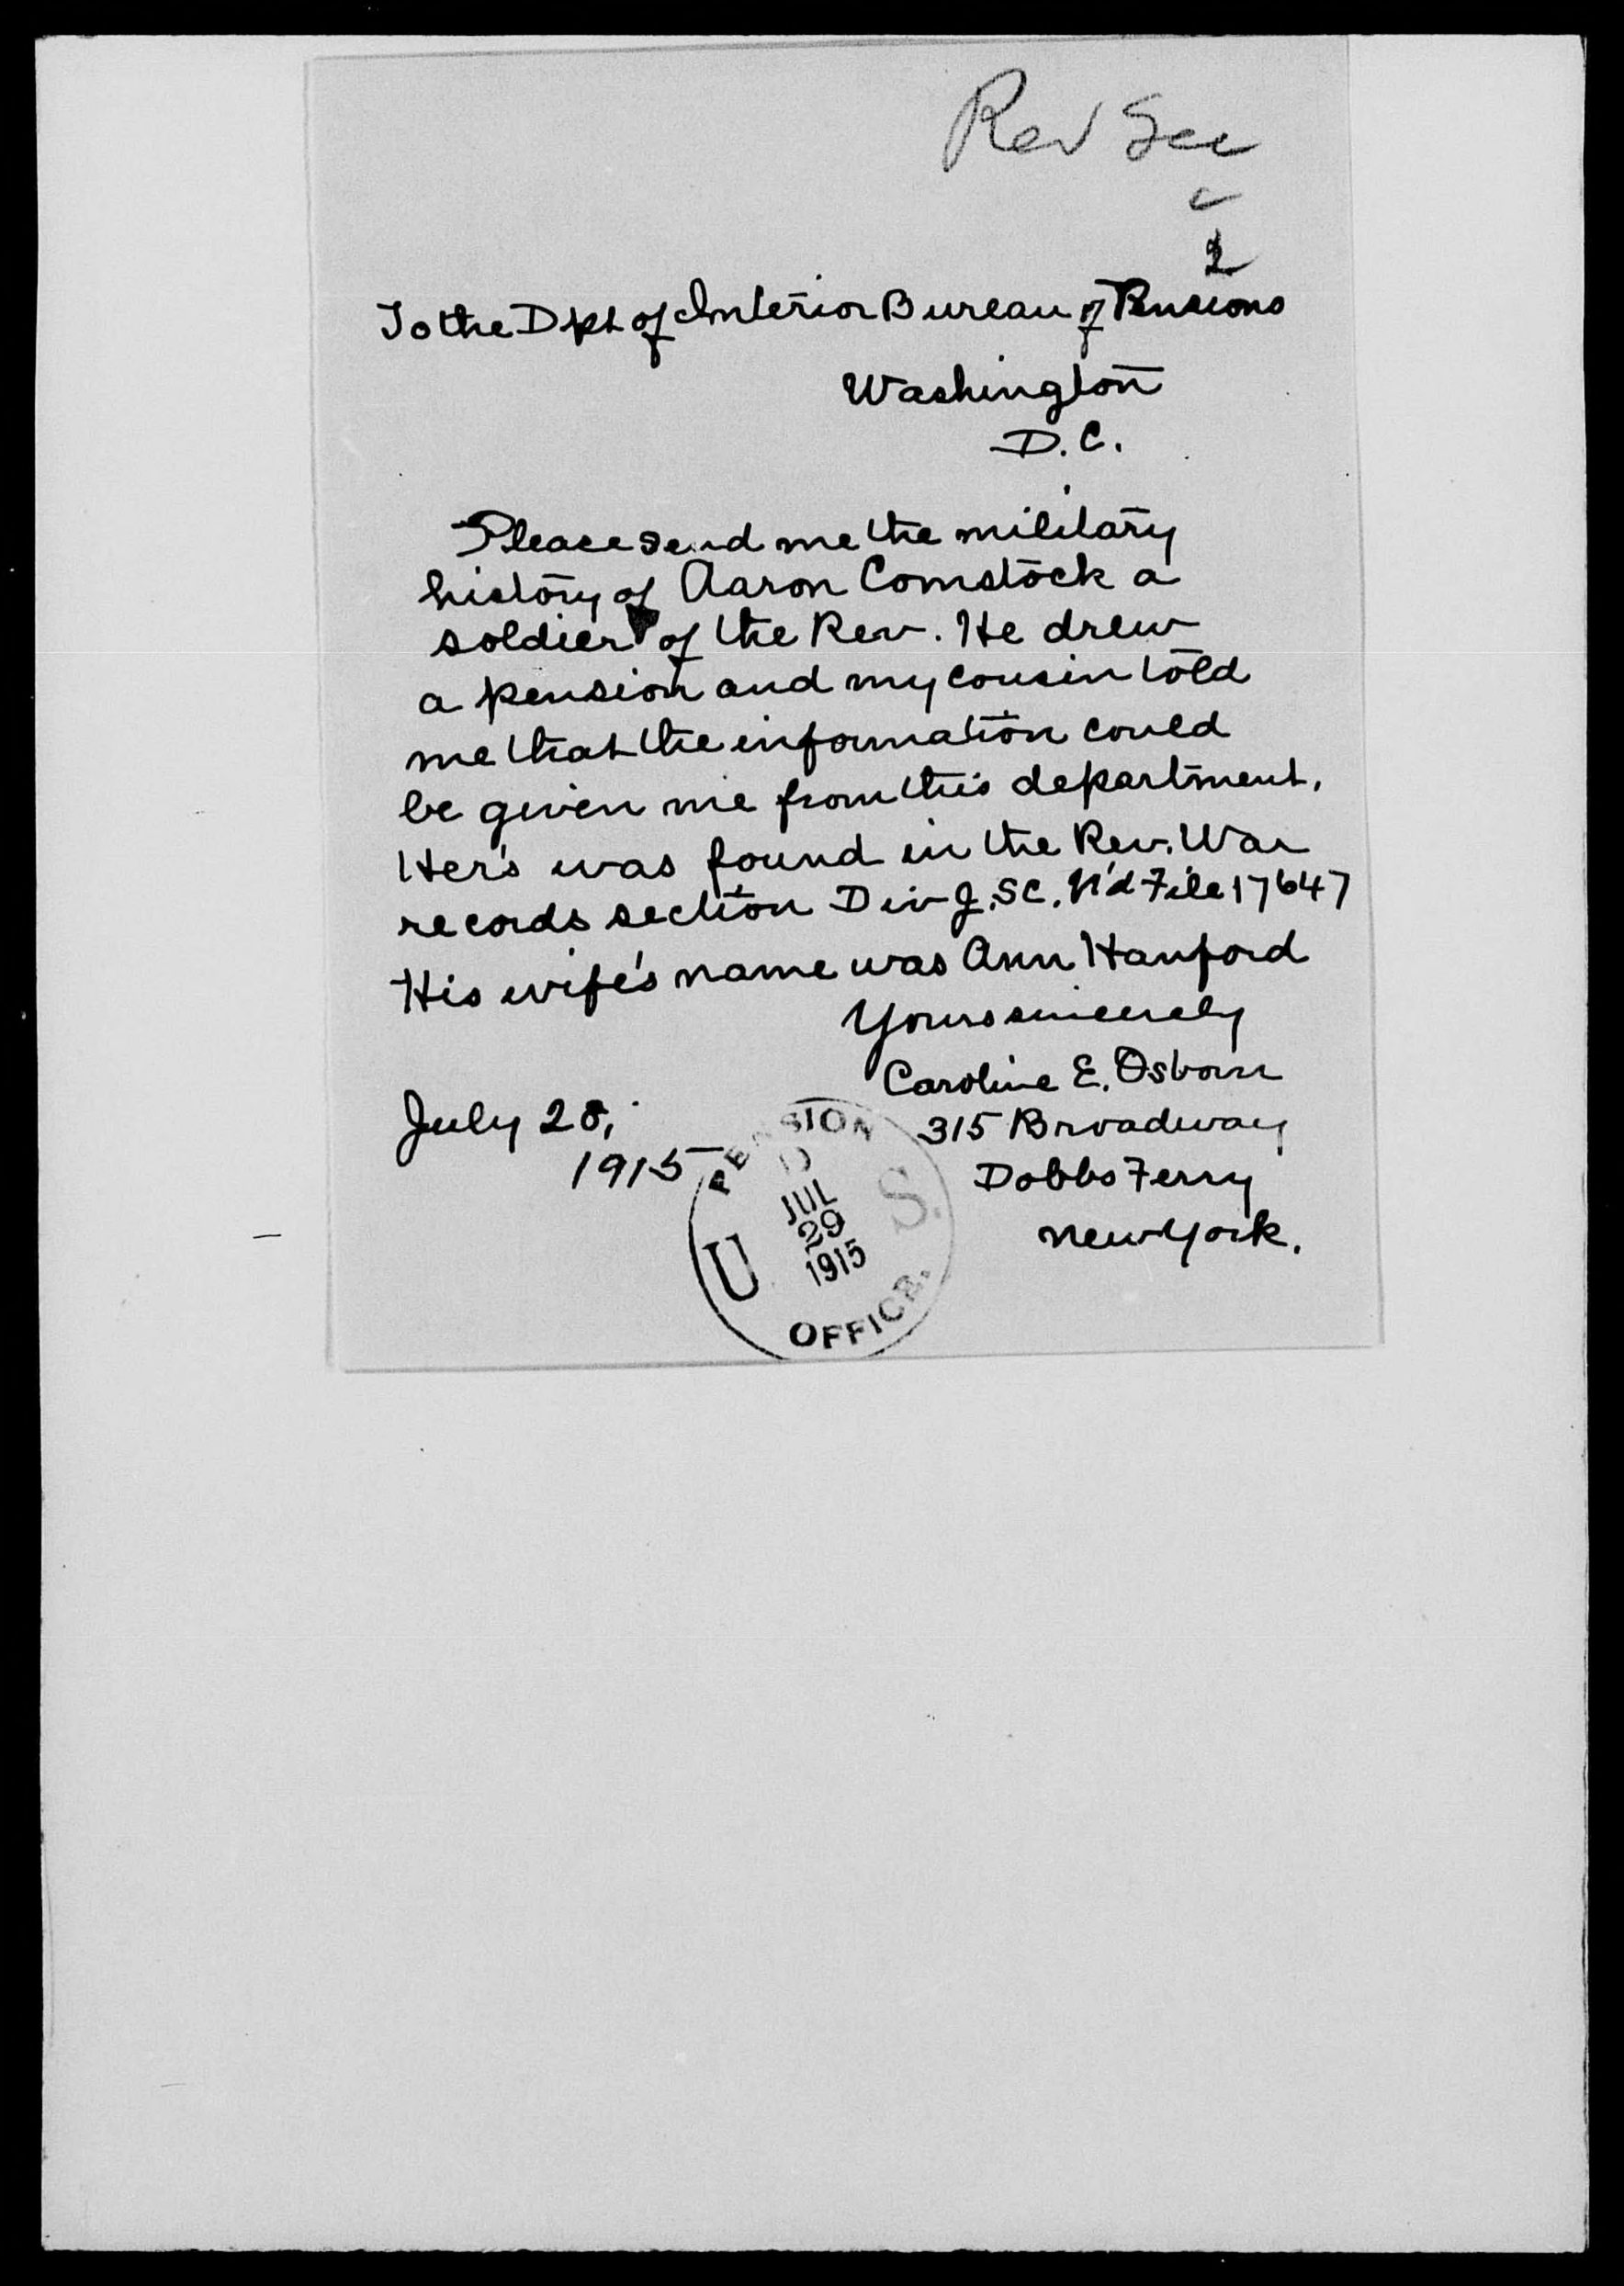Rev Sec

2
To the Dept of Interior Bureau of Pensions
Washington
D. C.

Please send me the military history of Aaron Comstock a soldier of the Rev. He drew a pension and my cousin told me that the information could be given me from this department. Her's was found in the Rev. War records section Div J. SC. Wid File 17647 His wife's name was Ann Hanford
Yours sincerely
Caroline E. Osborn
315 Broadway
Dobbs Ferry
New York.

July 28,
1915

[circular stamp] PENSION
D
JUL
U. 29 S.
1915
OFFICE.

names: Aaron Comstock, Ann Hanford, Caroline E Osborn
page: 21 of 43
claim: widow's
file: W. 17,647, Aaron Comstock, Conn.